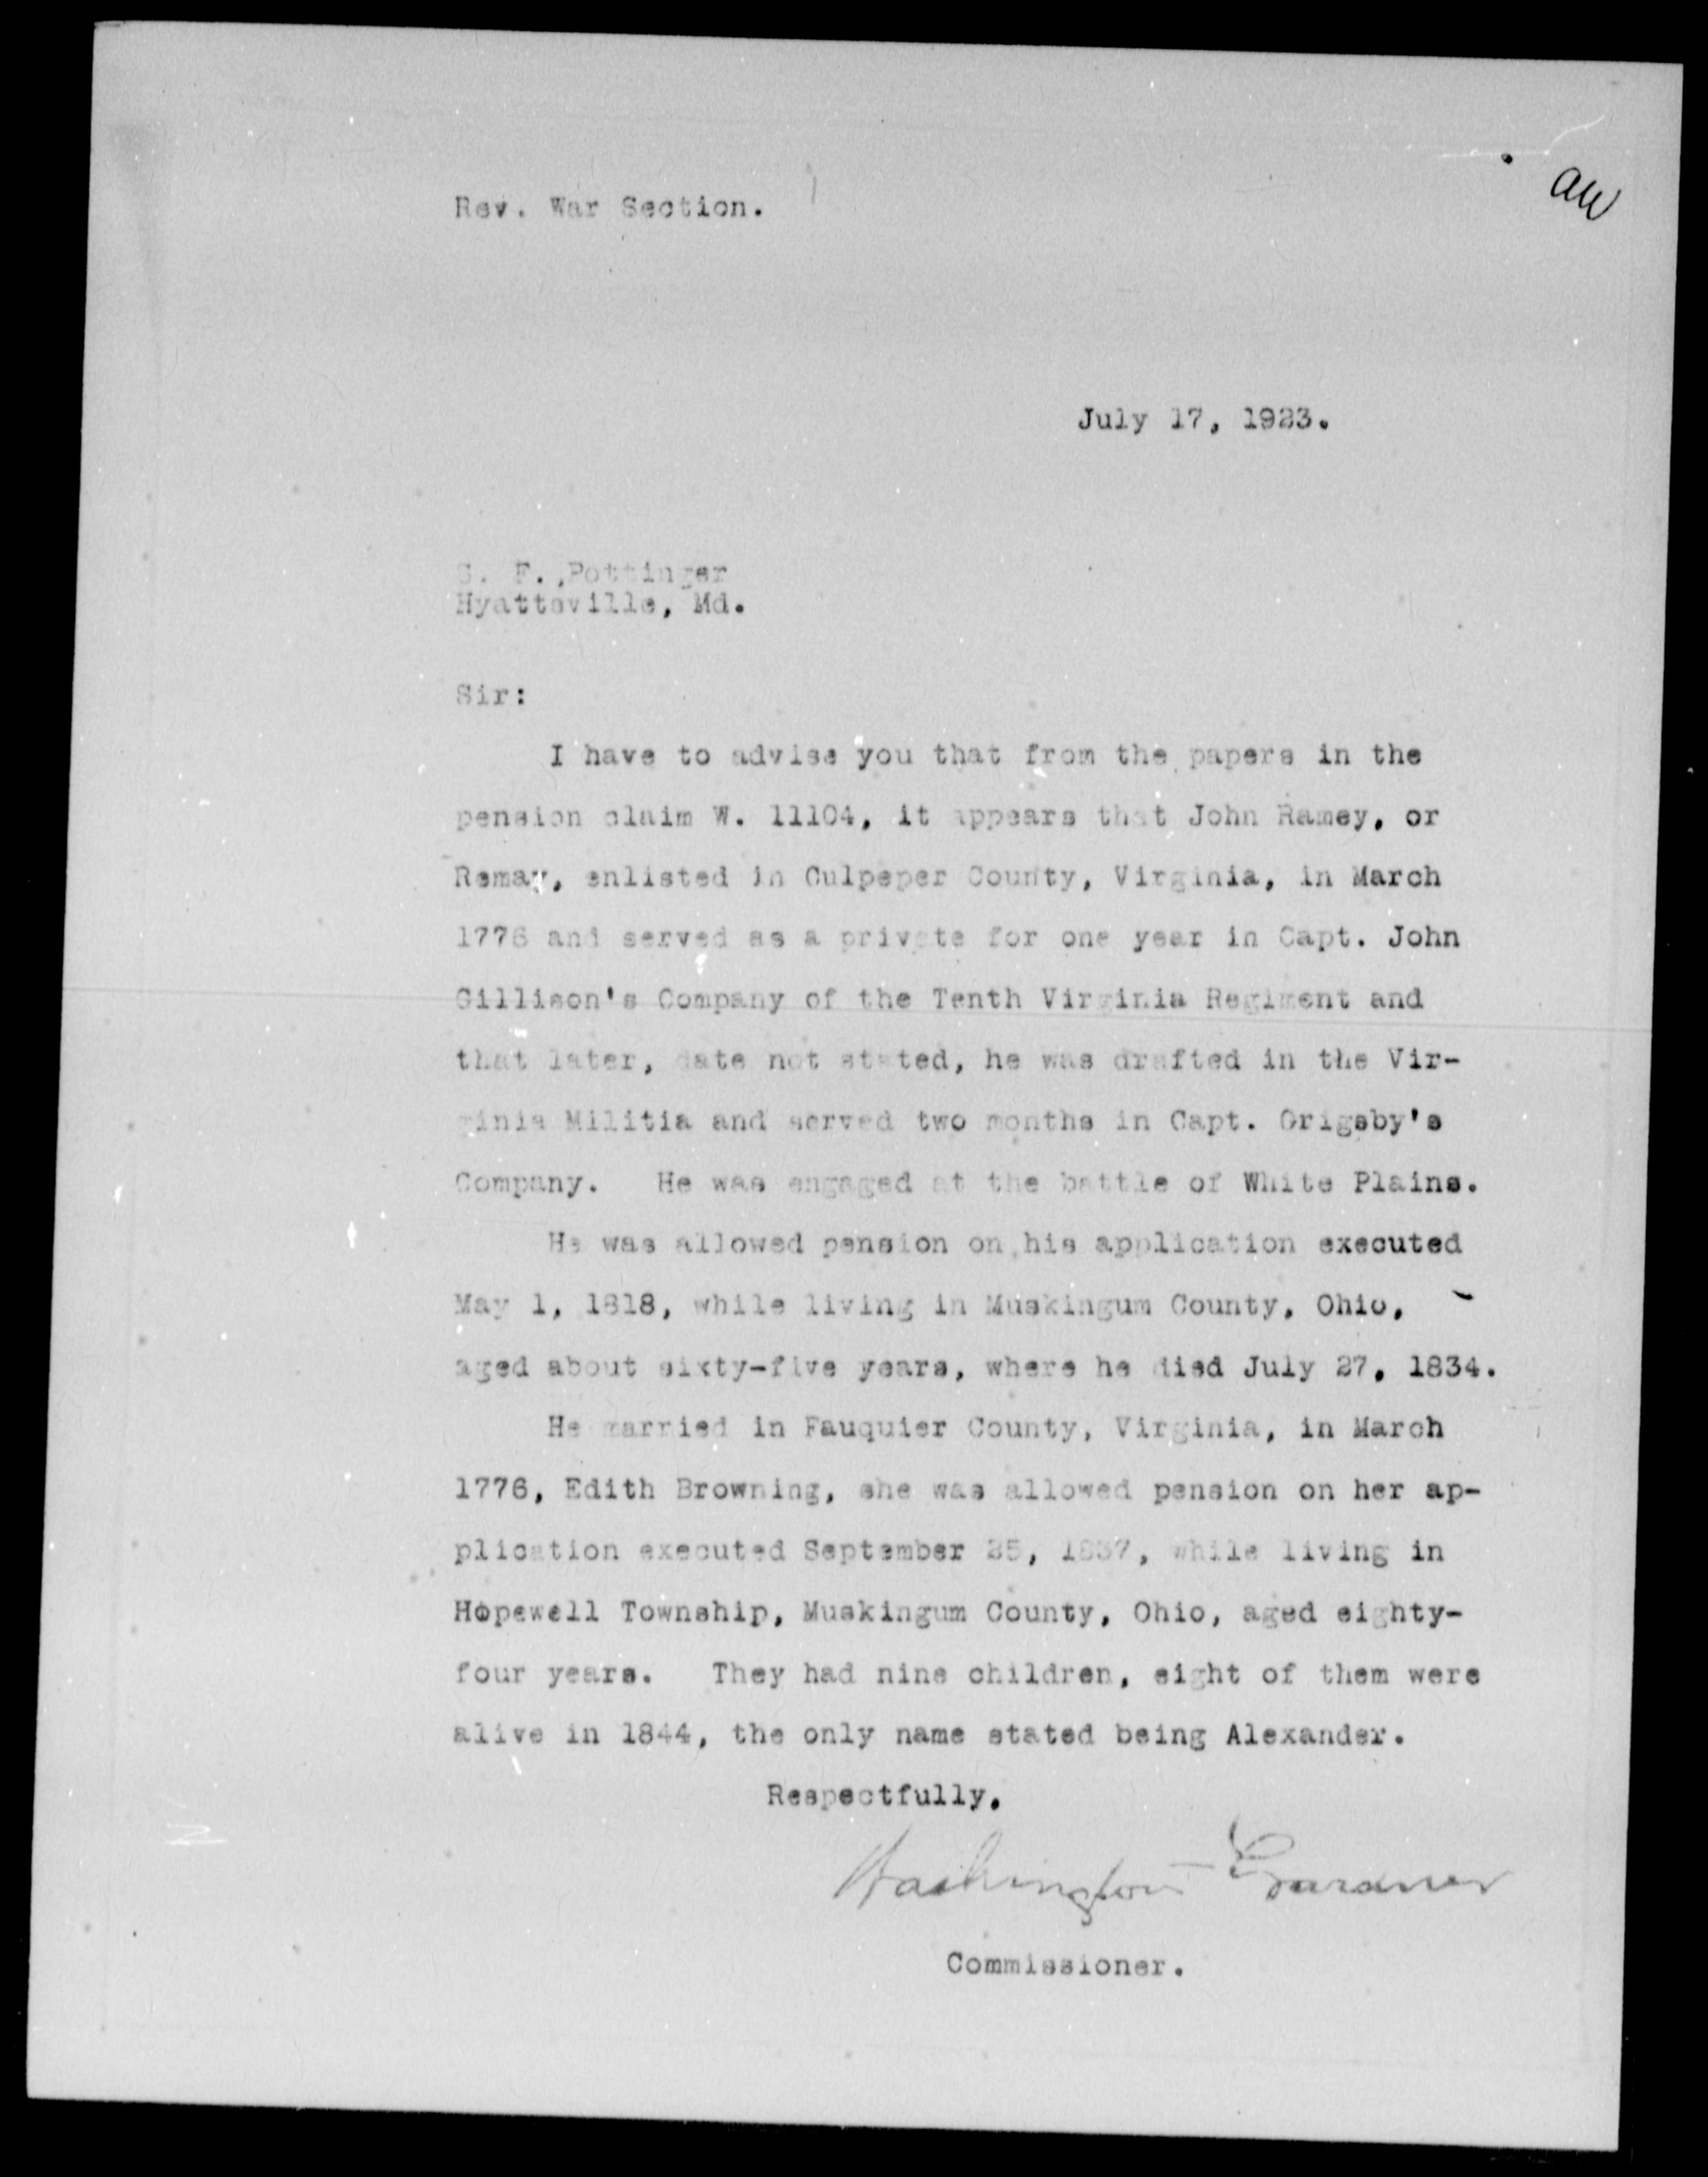AW
Rev. War Section.
July 17, 1923.
S. F. Pottinger
Hyatteville, Md.
Sir:
I have to advise you that from the papers in the pension claim W. 11104, it appears that John Ramey, or Remay, enlisted in Culpeper County, Virginia, in March 1776 and served as a private for one year in Capt. John Gillison's Company of the Tenth Virginia Regiment and that later, date not stated, he was drafted in the Virginia Militia and served two months in Capt. Grigsby's Company. He was engaged at the battle of White Plains. 
He was allowed pension on his application executed May 1, 1818, while living in Muskingum County, Ohio, aged about sixty-five years, where he died July 27, 1834.
He married in Fauquier County, Virginia, in March 1776, Edith Browning, she was allowed pension on her application executed September 25, 1837, while living in Hopewell Township, Muskingum County, Ohio, aged eighty-four years. They had nine children, eight of them were alive in 1844, the only name stated being Alexander.
Respectfully,
Washington Gardner
Commissioner.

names: John Ramey; Washington Gardner; John Remay; S F Pottinger; Edith Browning; Alexander [BLANK]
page: 42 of 84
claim: widow's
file: W.11104, for John Remay, Virginia